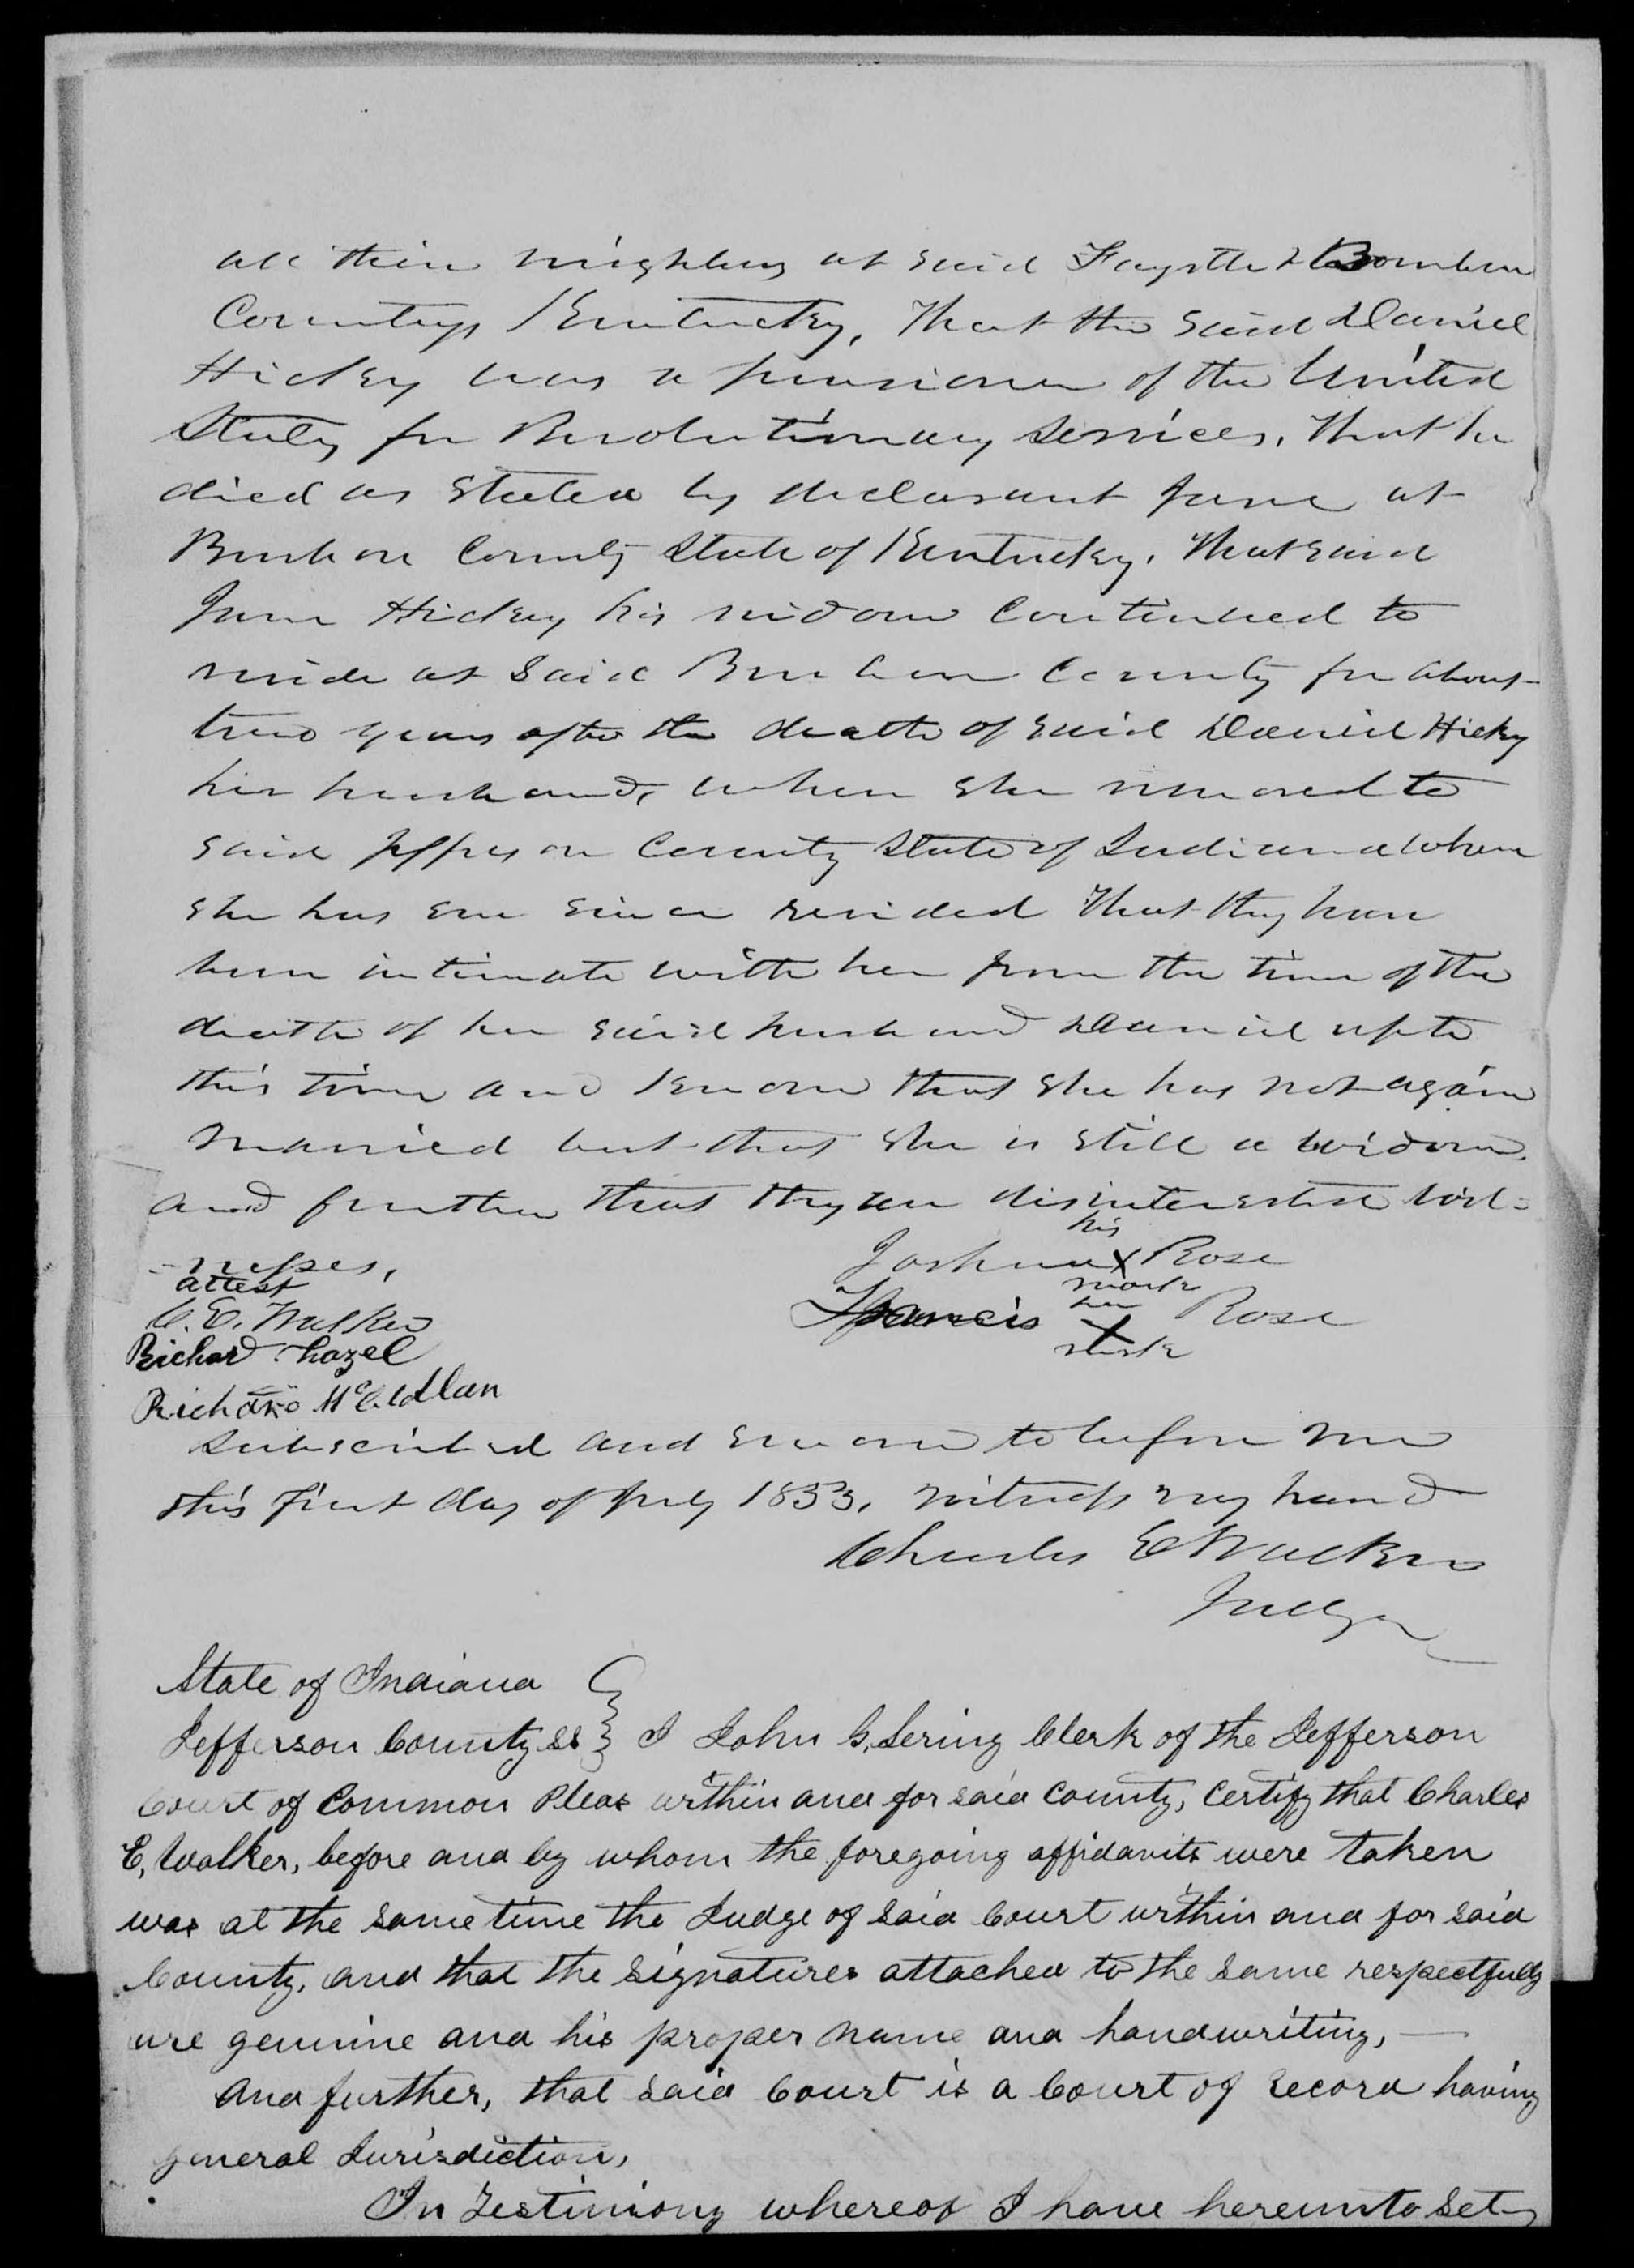all their neighbors at said Fayette & Bourbon
Countys Kentucky, that the said Daniel Hickey was a pensioner of the United States for Revolutionary services, that he died as stated by declarant Jane at Bourbon County State of Kentucky, that said Jane Hickey his widow continued to reside at Said Bourbon County for about two years after the death of said Daniel Hickey her husband, when she removed to said Jefferson County State of Indiana where
she has ever since resided that they have
been intimate with her from the time of the
death of her said husband Daniel up to
this time and know that she has not again
married but that she is still a widow
and further that they are disinterested witnesses.
Joshua Rose X his mark
Francis Rose X her mark
Attest
C. E. Walker
Richard Hazel
Richard McClellan
subscribed and sworn to before me
this first day of July 1853, witness my hand
Charles E Walker Judge
State of Indiana 
Jefferson County SS 
I John G. Sering Clerk of the Jefferson
Court of Common Pleas within and for said County, certify that Charles E. Walker, before and by whom the foregoing affidavits were taken was at the same time the Judge of said Court within and for said County, and that the signatures attached to the same respectfully
are genuine and his proper name and handwriting,
And further, that said Court is a Court of Record having General Jurisdiction,
In Testimony whereof I have hereunto set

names: C E Walker, Richard Hazel, Joshua Rose, Charles E Walker, Daniel Hicky, Charles E Walker, Jane, Daniel Hickey, Francis Rose, John G Sering, Daniel, Jane Hickey, Richard Mc Clellan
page: 39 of 84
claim: widow's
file: W. 7744, Daniel Hickey, Penn.